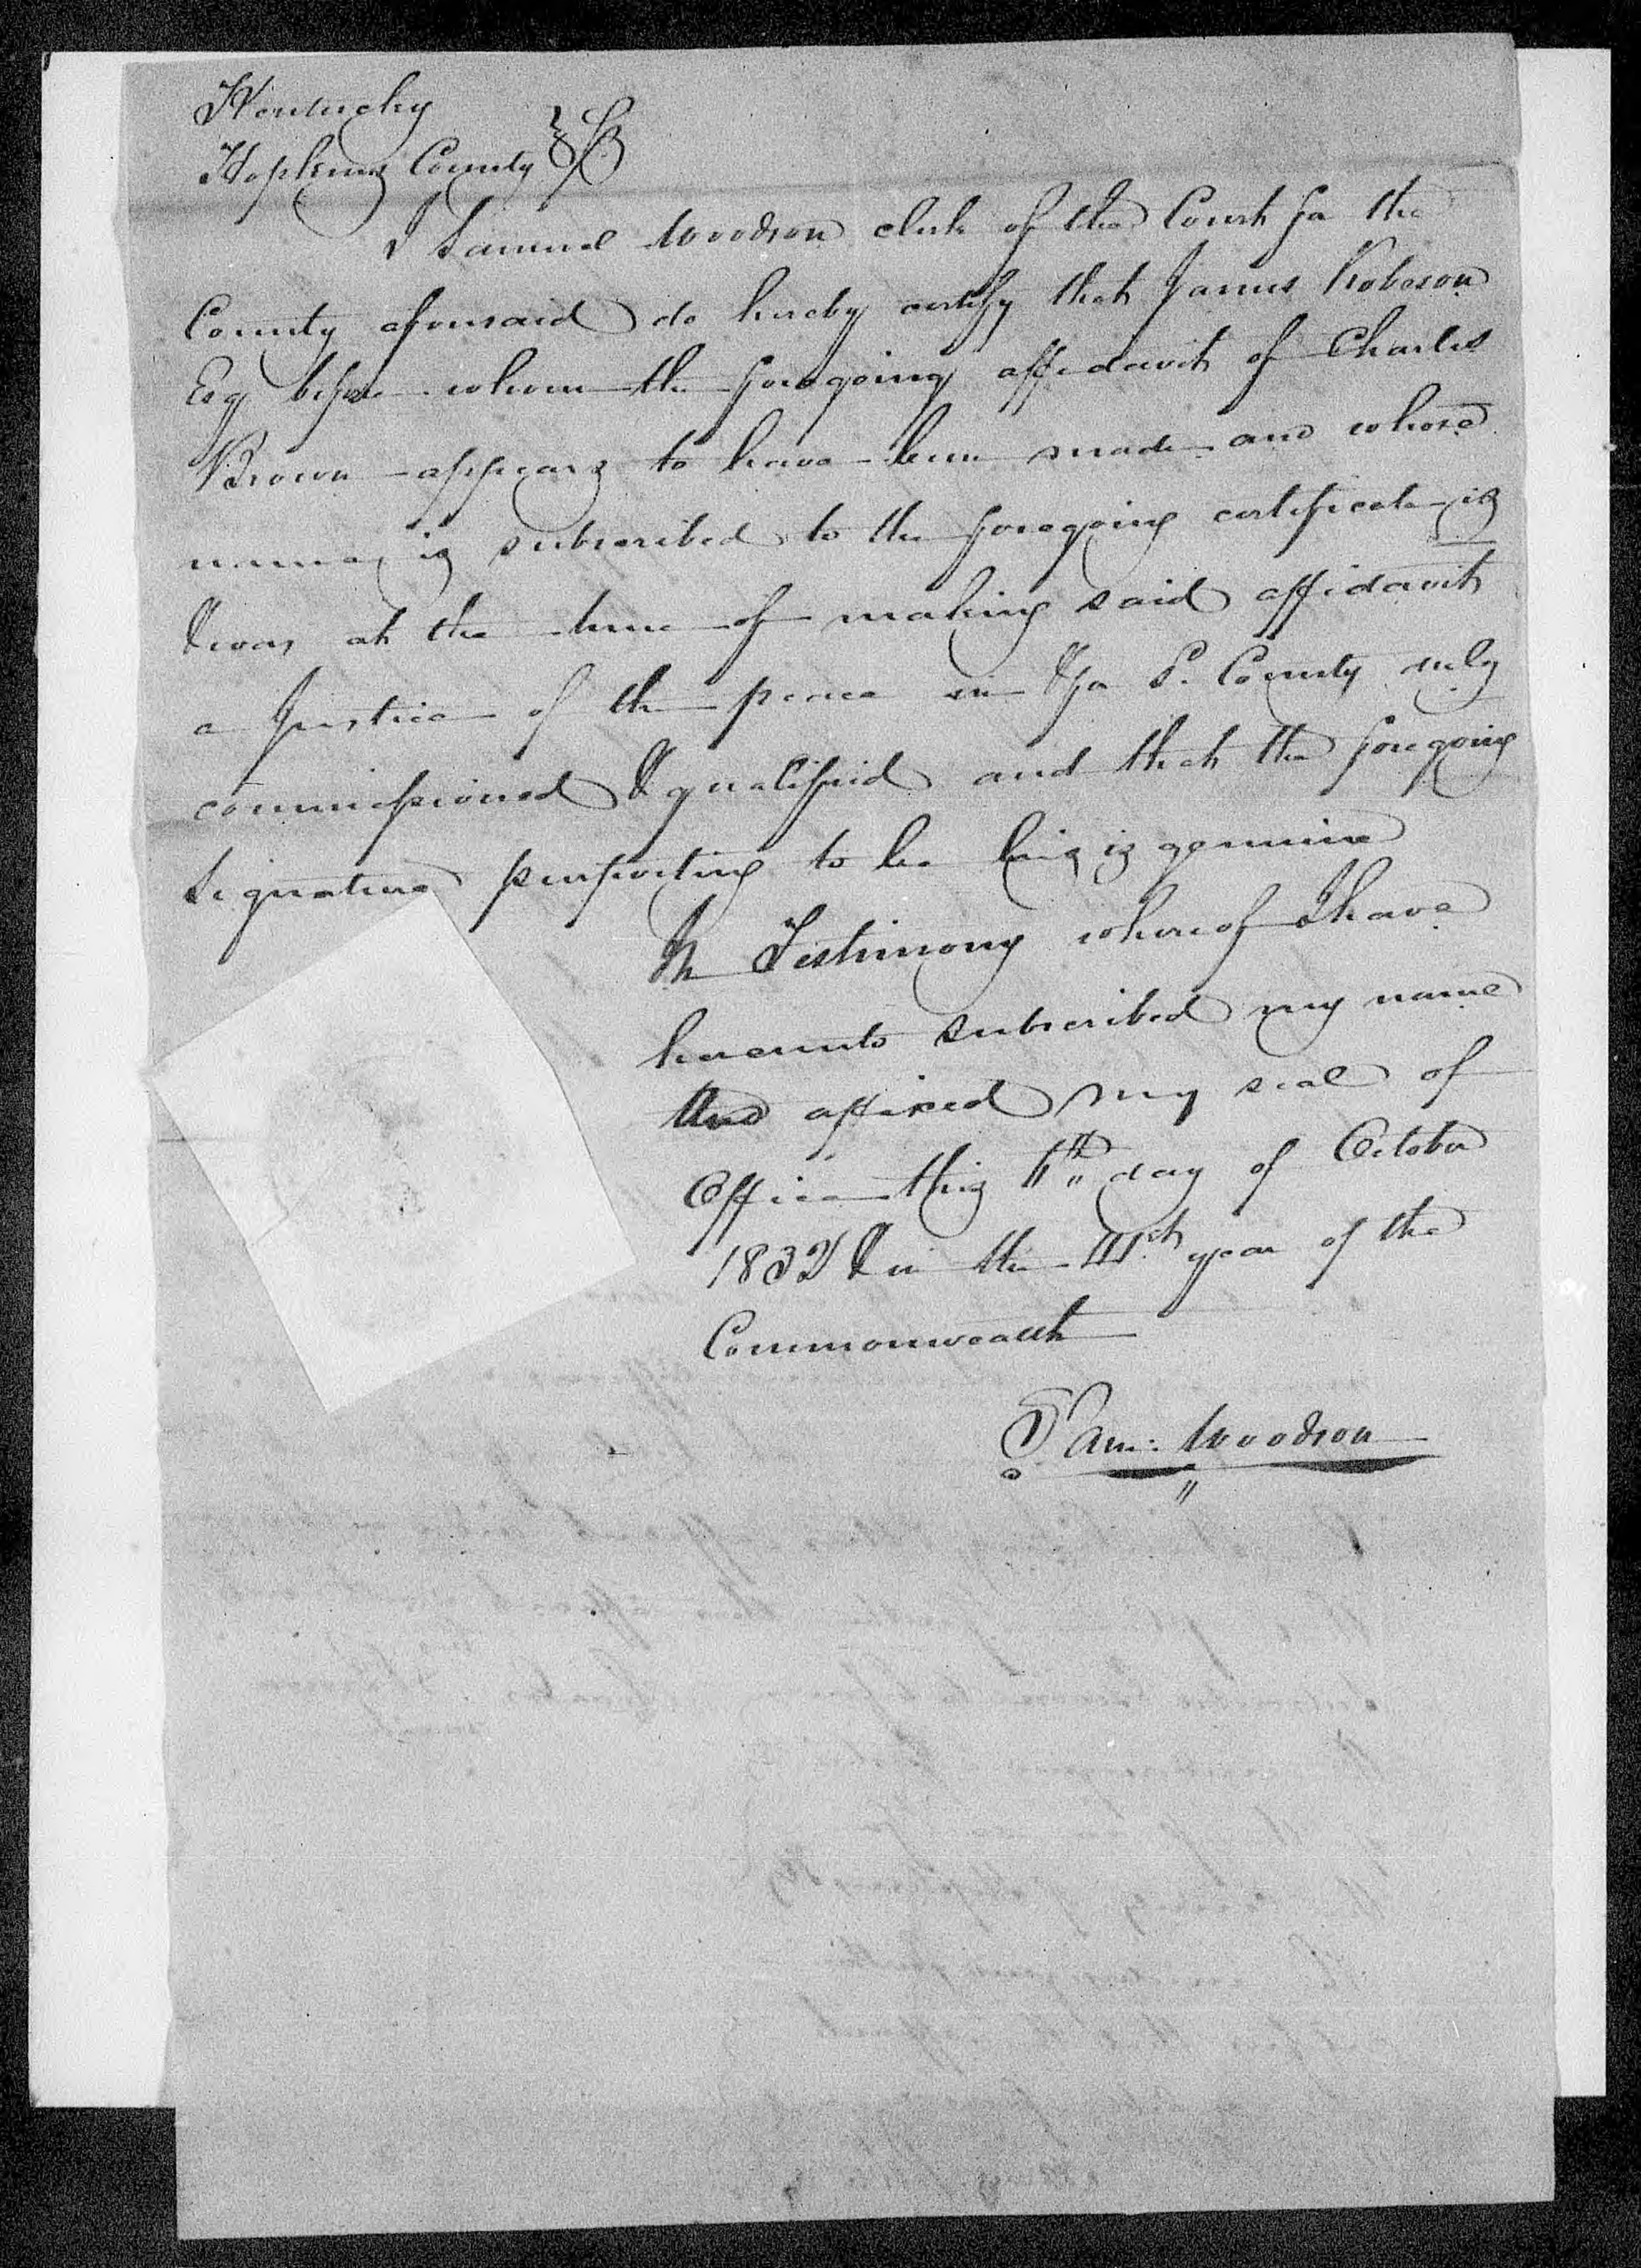Kentucky
Hopkins County [illegible]
I Samuel Woodson clerk of the Court of the County aforesaid do hereby certify that James Robeson Esq before whom the foregoing affidavit of Charles Brown appearing to have been made and whose name is subscribed to the foregoing certificate is at the time of making said affidavit a Justice of the peace in [illegible] County duly commissioned & qualified and that the foregoing Signature purporting to be his is genuine
In Testimony whereof I have hereunto subscribed my name and affixed my seal of Office this 6th day of October 1832 in the 41st year of the Commonwealth
Sam. Woodson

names: Sam Woodson, James Robeson, Samuel Woodson, Charles Brown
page: 17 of 19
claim: survivor's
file: S. 16404, John Hankins, Va.